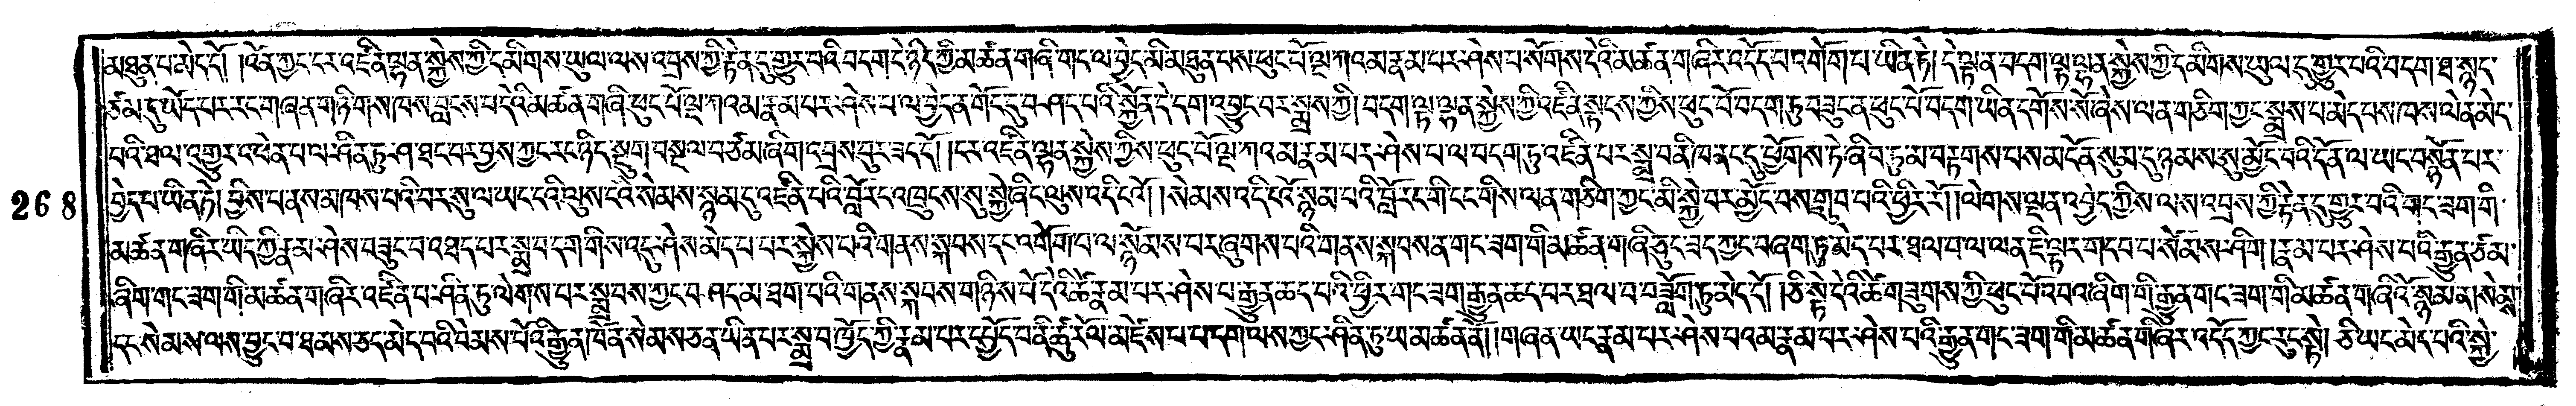མཐུན་པ་མེད་དོ། །འོན་ཀྱང་ངར་འཛིན་ལྷན་སྐྱེས་ཀྱི་དམིགས་ཡུལ་ལས། འབྲས་ཀྱི་རྟེན་དུ་གྱུར་པའི་བདག་དེ་ཉིད་ཀྱི་མཚན་གཞི་གང་ལ་བྱེད་མི་མཐུན་པས་ཕུང་པོ་ལྔ་ཀའམ་རྣམ་པར་ཤེས་པ་སོགས་དེའི་མཚན་གཞིར་འདོད་པ་འགོག་པ་ཡིན་ཏེ། དེ་ལྟ་ན་བདག་ལྟ་ལྷན་སྐྱེས་ཀྱི་དམིགས་ཡུལ་དུ་གྱུར་བའི་བདག་ཐ་སྙད་
ཙམ་དུ་ཡོད་པར་རང་གཞན་གཉིགས་ཁས་བླངས་པ་དེའི་མཚན་གཞི་ཕུང་པོ་ལྔ་ཀའམ་རྣམ་པར་ཤེས་པ་ལ་བྱེད་ན་གོང་དུ་བཤད་པའི་སྐྱོན་དེ་དག་འབྱུང་བར་སྨྲས་ཀྱི། བདག་ལྟ་ལྷན་སྐྱེས་ཀྱི་འཛིན་སྟངས་ཀྱིས་ཕུང་པོ་བདག་ཏུ་བཟུང་ན་ཕུང་པོ་བདག་ཡིན་དོགས་སོ་ཞེས་ལན་གཅིག་ཀྱང་སྨས་པ་མེད་པས་ཁས་ལེན་མེད་
བའི་ཐལ་འགྱུར་པ་ཕེན་པ་ལ་ཤིན་ཏུ་ཤ་ཐང་བར་བྱས་ཀྱང་རང་ཉིད་སྡུག་བསྔལ་བ་ཙམ་ཞིག་འབྲས་བུར་ཟད་དོ། །ངར་འཛིན་ལྷན་སྐྱེས་ཀྱིས་ཕུང་པོ་ལྔ་ཀའམ་རྣམ་པར་ཤེས་པ་ལ་བདག་ཏུ་འཛིན་པར་སྨྲ་བ་ནི་ཁ་ནང་དུ་ཕྱོགས་ཏེ་ཞིབ་ཏུ་མ་བརྟགས་པས་མངོན་སུམ་དུ་ཉམས་སུ་མྱོང་བའི་དོན་ལ་ཡང་བསྙོན་པར་
བྱེད་པ་ཡིན་ཏེ། བྱིས་པ་ནས་མཁས་བའི་བར་སུ་ལ་ཡང་ངའི་ལུས་ངའི་སེམས་སྙམ་དུ་འཛིན་པའི་བློ་རང་འཁྲུངས་སུ་སྐྱེ་ཞིང་ལུས་འདི་ངའོ། །སེམས་འདི་ངའོ་སྙམ་པའི་བློ་རང་གི་ངང་གིས་ལན་གཅིག་ཀྱང་མི་སྐྱེ་བར་མྱོང་བས་གྲུབ་པའི་ཕྱིར་རོ། །ལེགས་ལྡན་འབྱེད་ཀྱིས་ལས་འབྲས་ཀྱི་རྟེན་དུ་གྱུར་བའི་གང་ཟག་གི་
མཚན་གཞིར་ཡིད་ཀྱི་རྣམ་ཤེས་བཟུང་བ་འཐད་པར་སྐ་བདག་གིས་འདུ་ཤེས་མེད་པ་བར་སྐྱེས་པའི་གནས་སྐབས་དང་འགོག་པ་ལ་སྙོམས་པར་ཞུགས་པའི་གནས་སྐབས་ན་གང་ཟག་གི་མཚན་གཞི་ཅུང་ཟད་ཀྱང་བཞག་ཏུ་མེད་པར་ཐལ་བ་ལ་ལན་ཇི་ལྟར་གདབ་བ་སོམས་ཤིག །རྣམ་པར་ཤེས་པའི་རྒྱུན་ཙམ་
ཞིག་གང་ཟག་གི་མཚན་གཞིར་འཛིན་པ་ཤིན་ཏུ་ལགས་པར་སྨྲ་བས་ཀྱང་བཤད་མ་ཐག་བའི་གནས་སྐབས་གཉིས་བོ་དེའི་ཚེ་རྣམ་པར་ཤེས་པ་རྒྱུན་ཆད་བའི་ཕྱིར་གང་ཟག་རྒྱུན་ཆད་པར་ཐལ་བ་བཟློག་ཏུ་མེད་དོ། །ཅི་སྟེ་དེའི་ཚེ་གཟུགས་ཀྱི་ཕུང་པོ་འབའ་ཞིག་གི་རྒྱུན་གང་ཟག་གི་མཚན་གཞིའི་སྙམ་ན། སེམས་
དང་སེམས་ལས་བྱུང་བ་ཐམས་ཅད་མེད་པའི་བེམས་པོའི་རྒྱུན་ཁོ་ན་སེམས་ཅན་ཡིན་བར་སྨྲ་བ་ཁྱོད་ཀྱི་རྣམ་པར་དཔྱོད་པ་ནི་ཚུ་རོལ་མཛེས་པ་བདག་ལས་ཀྱང་ཤིན་ཏུ་ཡ་མཚན་ནོ། །གཞན་ཡང་རྣམ་པར་ཤེས་བའམ་རྣམ་པར་ཤེས་བའི་རྒྱུན་གང་ཟག་གི་མཚན་གཞིར་འདོད་ཀྱང་རུང་སྟེ། ཅི་ཡང་མེད་པའི་སྐྱེ་